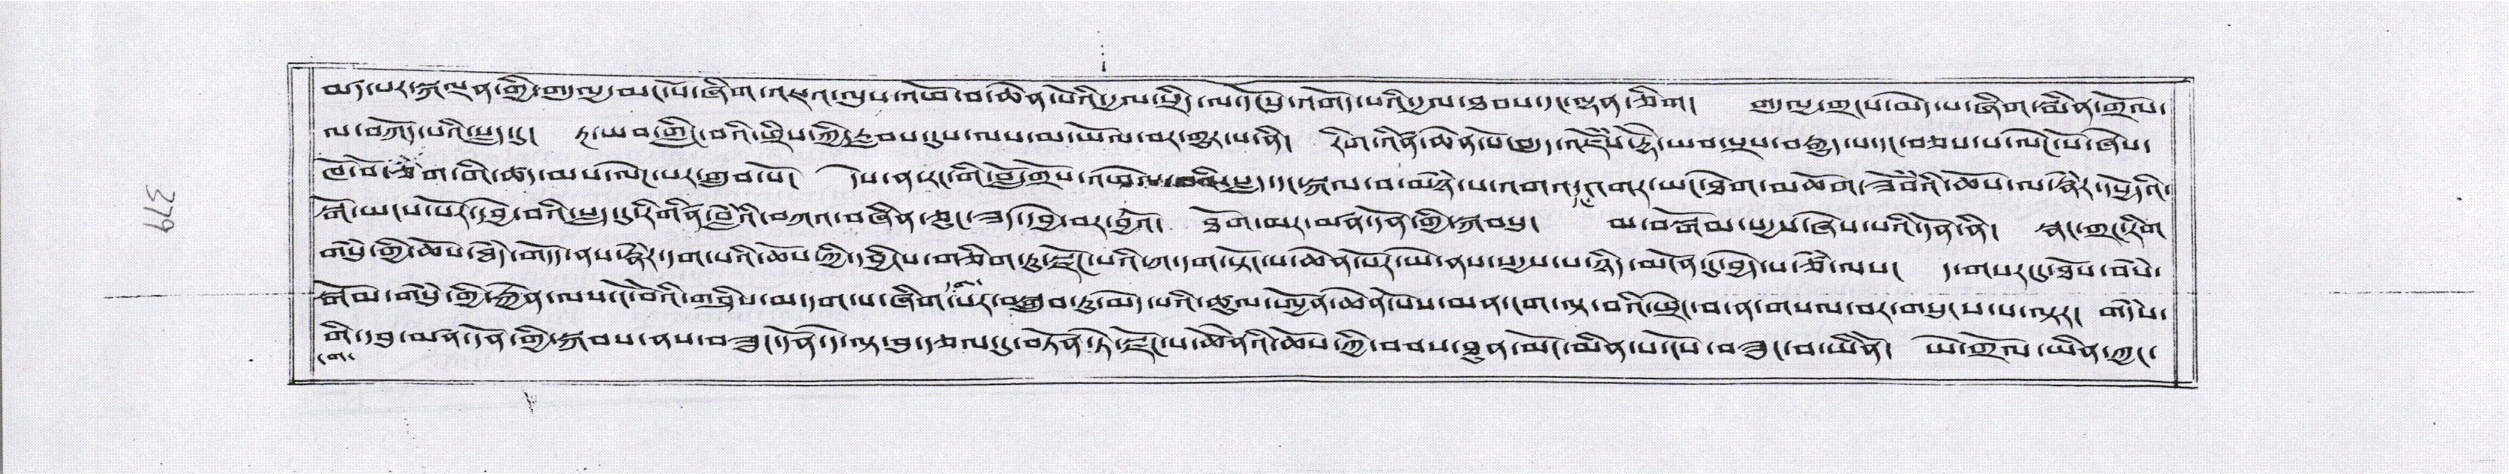མཛད་པར་སྐལ་ལྡན་གྱི་གདུལ་བྱ་མང་པོ་ཞིག་འཇའ་ལུས་འཕོ་བ་ཆེན་པོའི་རྒྱལ་སྲིད་ལ་དངོས་སུ་འགོད་པའི་རྒྱལ་ཐབས་དང་ལྷན་ཅིག གདུལ་བྱ་གྲངས་མེད་པ་ཞིག་སྨིན་གྲོལ་
ལ་བཀོད་པའི་སླད་དུ། རྔ་ཡབ་གླིང་བའི་ཕྲིས་ཀྱི་རླབས་དུས་ལས་མ་ཡོལ་བར་གྱུར་པ་ནི། རིག་འཛིན་ཆེན་པོ་བདུད་འཇོམས་རྡོ་རྗེ་ཡབ་སྲས་བརྒྱུད་པ་དང་བཅས་པ་ལེགས་པོ་ཞེས་
ཁོ་བོ་ཅིག་གི་ཚད་མས་ལེགས་པར་གྲུབ་བོ། དེས་ན་རང་གི་བློ་གྲོས་འཕེལ་བའི་སླད་དང་སྐལ་བ་མཉམ་པ་འགའ་དང་འགར་ཡང་ཐེག་མཆོག་ཟབ་མོའི་ཆོས་ལ་རྣམ་པར་དཔྱོད་པའི་
སྒོ་ཡངས་པོར་དབྱེ་བའི་སླད་དུ་རིག་འཛིན་བླ་མའི་བཀའ་བཞིན་ཅུང་ཟད་དབྱེ་བར་བྱའོ། ཐོག་མར་མཚན་དོན་གྱི་སྐབས་སུ། མ་བསྒོམ་སངས་རྒྱས་ཞེས་པའི་དོན་ནི། སྣང་གྲགས་རིག་
གསུམ་གྱི་ཆོས་ཐམས་ཅད་གདོད་ནས་རྣམ་པར་དག་པའི་ཆོས་ཀྱི་དབྱིངས་གཅིག་ཏུ་རྫོགས་པའི་ཀ་དག་སྟོང་པ་ཆེན་པོར་ཡེ་ནས་སངས་རྒྱས་པ་ཉིད་མངོན་དུ་བྱེད་པ་ཙམ་ལས། ད་གསར་དུ་ཐོས་བསམ་
སྒོམ་གསུམ་གྱི་རྐྱེན་ལས་ངོ་བོའི་གཤིས་མ་དག་པ་ཞིག་དག་པར་བསྒྲུབ་ཏུ་མེད་པའི་ཚུལ་ཨོ་རྒྱན་ཆེན་པོས་མན་ངག་ལྟ་བའི་ཕྲེང་བ་ན་གསལ་བར་གསུངས་པ་ལྟར། གདམས་
ངག་གི་དབུ་མཚན་དོན་གྱི་སྐབས་ནས་བཟུང་དོན་དེ་ལྟ་བུ་རྩལ་དུ་བཏོན་ཏེ་རྫོགས་པ་ཆེན་པོའི་ཆོས་ཀྱི་བབས་ཐུན་མོང་མིན་པ་ངོས་བཟུང་བ་ཡིན་ནོ། ཡེ་གྲོལ་ཡིན་ཀྱང་